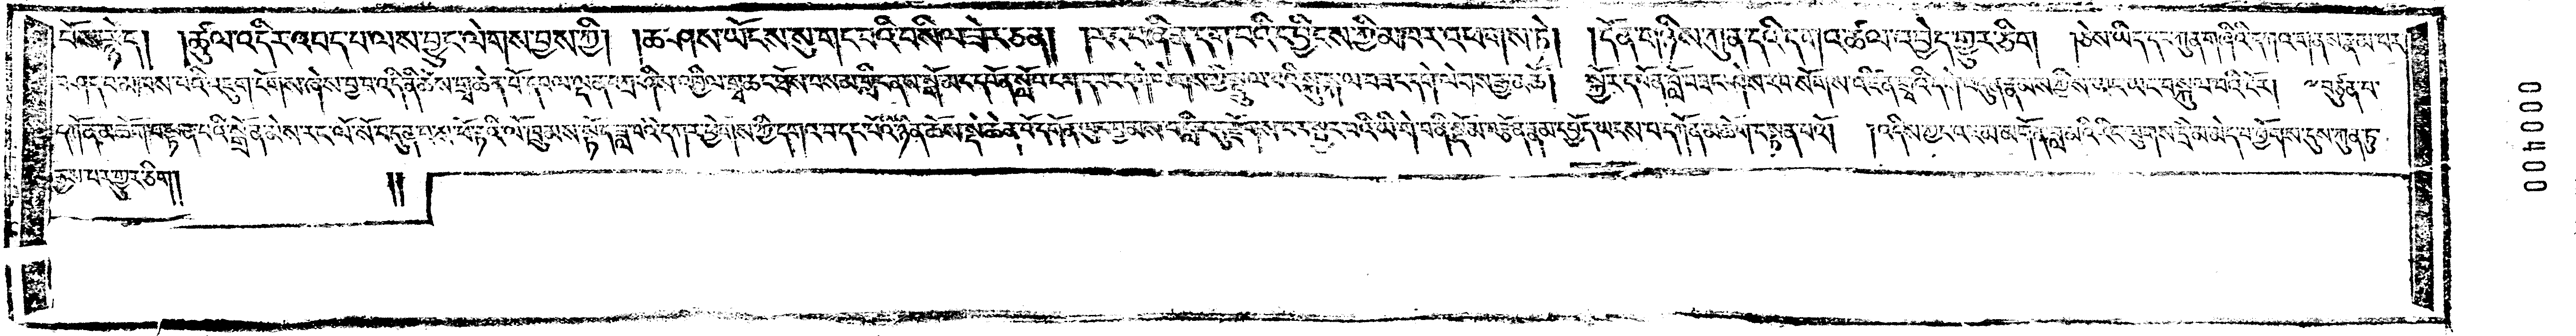པོས་རྙེད། །ཚུལ་འདིར་འབད་པ་ལས་བྱུང་ལེགས་བྱས་ཀྱི། །ཆ་ཤས་ཡོངས་སུ་གང་བའི་བསིལ་ཟེར་ཅན། །རང་བཞིན་དག་པའི་དབྱིངས་ཀྱི་མཁར་འཕགས་ཏེ། །དོན་གཉིས་ཀུན་དགའི་དགའ་ཚལ་འབྱེད་གྱུར་ཅིག །ཅེས་ཡིད་དང་ཀུན་གཞིའི་དཀའ་གནས་རྣམ་བར་
བཤད་པ་མཁས་པའི་འཇུག་ངོགས་ཞེས་བྱ་བ་འདི་ནི་ཆོས་གྲྭ་ཆེན་པོ་དཔལ་ལྡན་བཀྲ་ཤིས་འཁྱིལ་གྲྭ་ཆང་ཐོས་བསམ་གླིང་ནས་སློབ་དཔོན་ངག་དབང་དགེ་ལེགས་ཀྱི་སྦྲུལ་བའི་སྐུ་སྐལ་བཟང་དགེ་ལེགས་རྒྱ་མཚོ། སྐྱོར་དབོན་བློ་བཟང་ཞེས་རབ་སྟོབས་འཛིན་གྲྭ་དགེ་འདུན་རྣམས་ཀྱིས་ཡང་ཡང་བསྐལ་བའི་ངོར། ༧བཙུན་བ་
དཀོན་མཆོག་བསྟན་པའི་སྒྲོན་མེས་རང་ལོ་སོ་བདུན་པས་ཕོ་རྟའི་ལོ་ཁྲུམས་སྟོད་ཟླ་བའི་དཀར་ཕྱོགས་ཀྱི་དགའ་བ་དང་པོའི་ཉོན་ཆོས་སྡེ་ཆེན་བོ་དགོན་ལུང་བྱམས་པ་གླིང་དུ་རྫོགས་བར་སྦྱར་བའི་ཡི་གེ་པ་ནི་སྡོམ་བརྩོན་རྣམ་དཔྱོད་ཡངས་པ་དཀོན་མཆོག་བསྟན་པའོ། །འདིས་ཀྱང་འཇམ་མགོན་བླ་མའི་རིང་ལུགས་དྲི་མ་མེད་བ་ཕྱོགས་དུས་ཀུན་ཏུ་
རྒྱས་པར་གྱུར་ཅིག། །།